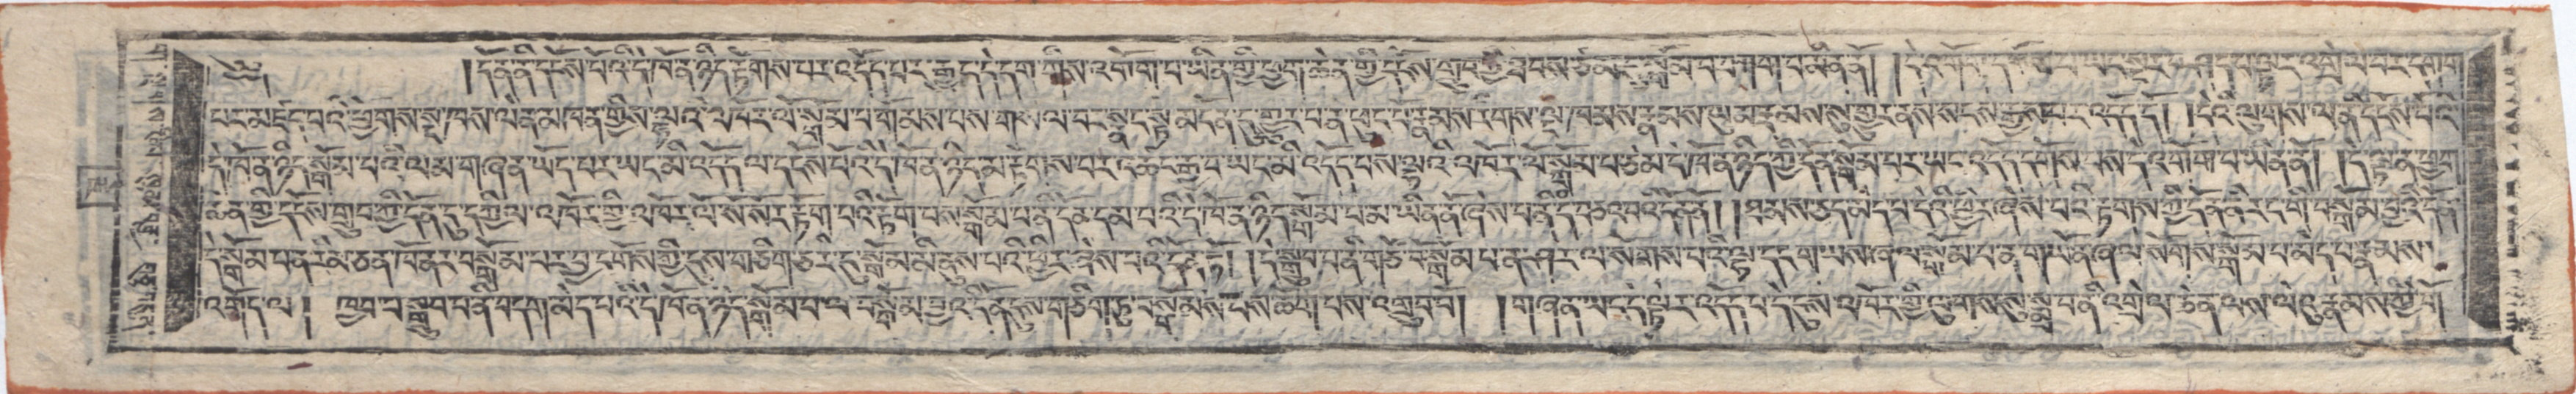༄༅། །དོན་ནི་དངོས་པོའི་དེ་ཁོ་ན་ཉིད་རྟོགས་པར་འདོད་པར་རྒྱུད་དེ་དག་གིས་འགོག་པ་ཡིན་གྱི་ཕྱག་ཆེན་གྱི་དངོས་གྲུབ་ཀྱི་ཐབས་ཙམ་དུ་སྒོམ་པ་བཀག་པ་མིན་ནོ། །དེ་འགོག་དགོས་པ་ཡང་སྔར་བཤད་པ་ལྟར་འགྲེལ་བར་དགག་
པར་མཛད་པའི་ཕྱོགས་སྔ་ཁས་ལེན་མཁན་གྱིས་ལྷའི་འཁོར་ལོ་སྒོམ་པ་གོམས་པས་གསལ་བར་སྣང་སྟེ་མངོན་དུ་གྱུར་པ་ན་ཕུང་པོ་རྣམས་རིགས་ལྔ་ཁམས་རྣམས་ཡུམ་རྣམས་སུ་གྱུར་ནས་སངས་རྒྱས་བར་འདོད་དོ། །དེའི་ལུགས་ལ་ནི་དངོས་པོའི་
དེ་ཁོ་ན་ཉིད་སྒོམ་པའི་ལམ་གཞན་ཡོད་པར་ཡང་མི་འདོད་ལ་དངོས་པོའི་དེ་ཁོ་ན་ཉིད་མ་རྟོགས་པར་འཚང་རྒྱ་བ་ཡང་མི་འདོད་པས་ལྷའི་འཁོར་ལོ་སྒོམ་པ་ཙམ་དེ་ཁོ་ན་ཉིད་ཀྱི་དོན་སྒོམ་པར་ཡང་འདོད་དགོས་པས་དེ་འགོག་པ་ཡིན་ནོ། །དེ་ལྟ་ན་ཕྱག་
ཆེན་གྱི་དངོས་གྲུབ་ཀྱི་དོན་དུ་དཀྱིལ་འཁོར་གྱི་འཁོར་ལོ་སོ་སོར་རྟོག་པའི་རྟོག་པས་སྒོམ་པ་ནི་དོན་དམ་པའི་དེ་ཁོ་ན་ཉིད་སྒོམ་པ་མ་ཡིན་ནོ་ཞེས་པ་ནི་དམ་བཅའ་བའི་དོན་ནོ། །ཐམས་ཅད་མེད་པ་དེའི་ཕྱིར་ཞེས་པའི་རྟགས་ཀྱི་དོན་ནི་རང་གི་བསྒོམ་བྱའི་དོན་
དེ་སྒོམ་པ་ན་རིམ་ཅན་ཁོ་ནར་བསྒོམ་པར་བྱ་དགོས་ཀྱི་དུས་གཅིག་ཅར་དུ་སྒོམ་མི་ནུས་པའི་ཕྱིར་ཞེས་པའི་དོན་ཏོ། །དེ་སྒྲུབ་པ་ནི་གཙོ་བོ་སྒོམ་པ་ན་ཤར་ལ་སོགས་པའི་ལྷ་དང་གཡས་ཞལ་སྒོམ་པ་ན་གཡོན་ཞལ་སོགས་སྒོམ་པ་མེད་པ་རྣམས་
འགོད་ལ། ཁྱབ་པ་སྒྲུབ་པ་ནི་བདག་མེད་པའི་དེ་ཁོ་ན་ཉིད་སྒོམ་པ་ལ་བསྒོམ་བྱའི་དོན་དུས་གཅིག་ཏུ་བསྒོམས་པས་ཆོག་པས་འགྲུབ་པོ། །གཞན་ཡང་དེ་ལྟར་འདོད་པ་དེ་དུས་འཁོར་གྱི་ལུགས་སུ་སྨྲ་བ་ནི་འགྲེལ་ཆེན་ལས་ལེའུ་རྣམས་ཀྱི་གོ་